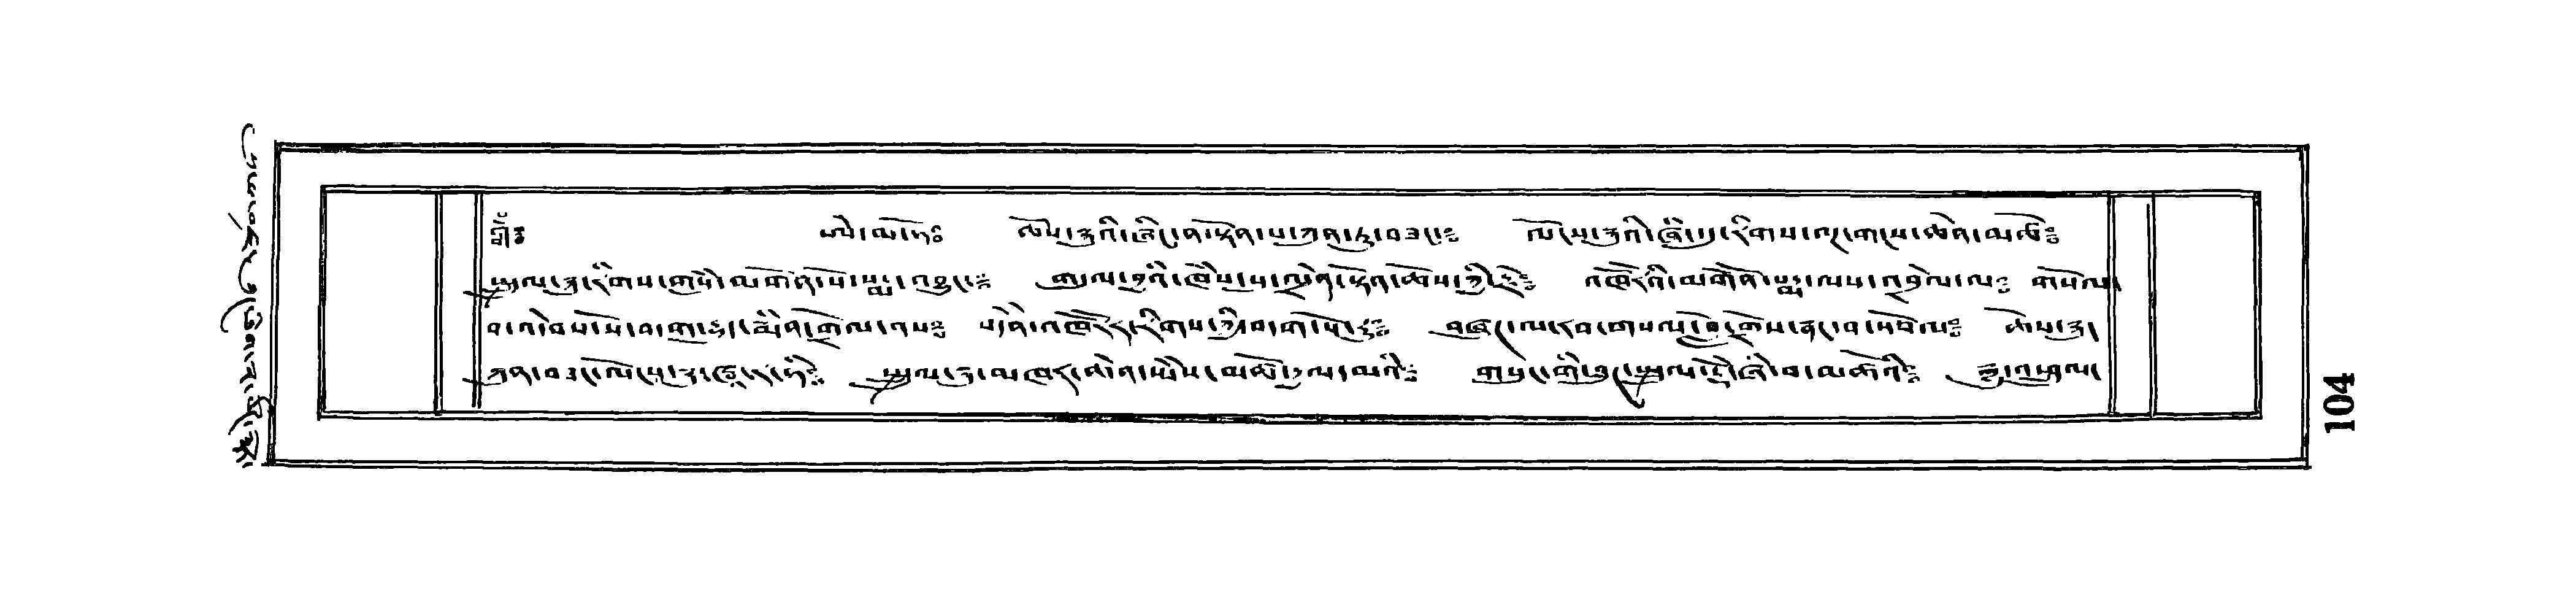ཨེ་མ་ཧོ༔ ཆོས་སྐུའི་ཞིང་ན་སྟོན་པ་ཀུན་ཏུ་བཟང༔ ལོངས་སྐུའི་ཞིང་དུ་རིགས་ལྔ་གངས་ཆེན་མཚོ༔ 
སྤྲུལ་སྐུ་རིགས་གསུམ་མགོན་པོ་པདྨ་འབྱུང༔ གདུལ་བྱའི་ཁམས་སུ་འདྲེན་སྟོན་ཆོས་ཀྱི་རྗེ༔ འཁོར་ལོའི་མགོན་པོ་པདྨ་ལས་འབྲེལ་ལ༔ གསོལ་
བ་འདེབས་སོ་བདག་རྒྱུད་སྨིན་གྲོལ་ནས༔ བདེ་ཆེན་འཁོར་ལོར་རིགས་ཀྱི་བདག་པོ་རུ༔ བཞུགས་ལ་རབ་གསལ་བློ་གྲོས་སྣང་བ་སྩོལ༔ ཆོས་སྐུ་
ཀུན་བཟང་ལོངས་སྐུ་ཝཱ་ར་ཧི༔ སྤྲུལ་སྐུ་མཁར་ཆེན་ཡེ་ཤེས་མཚོ་རྒྱལ་མའི༔ གསུང་གི་ཐུགས་སྤྲུལ་རྡོ་རྗེ་ཞི་བ་མཚོའི༔ སྒྱུ་འཕྲུལ་